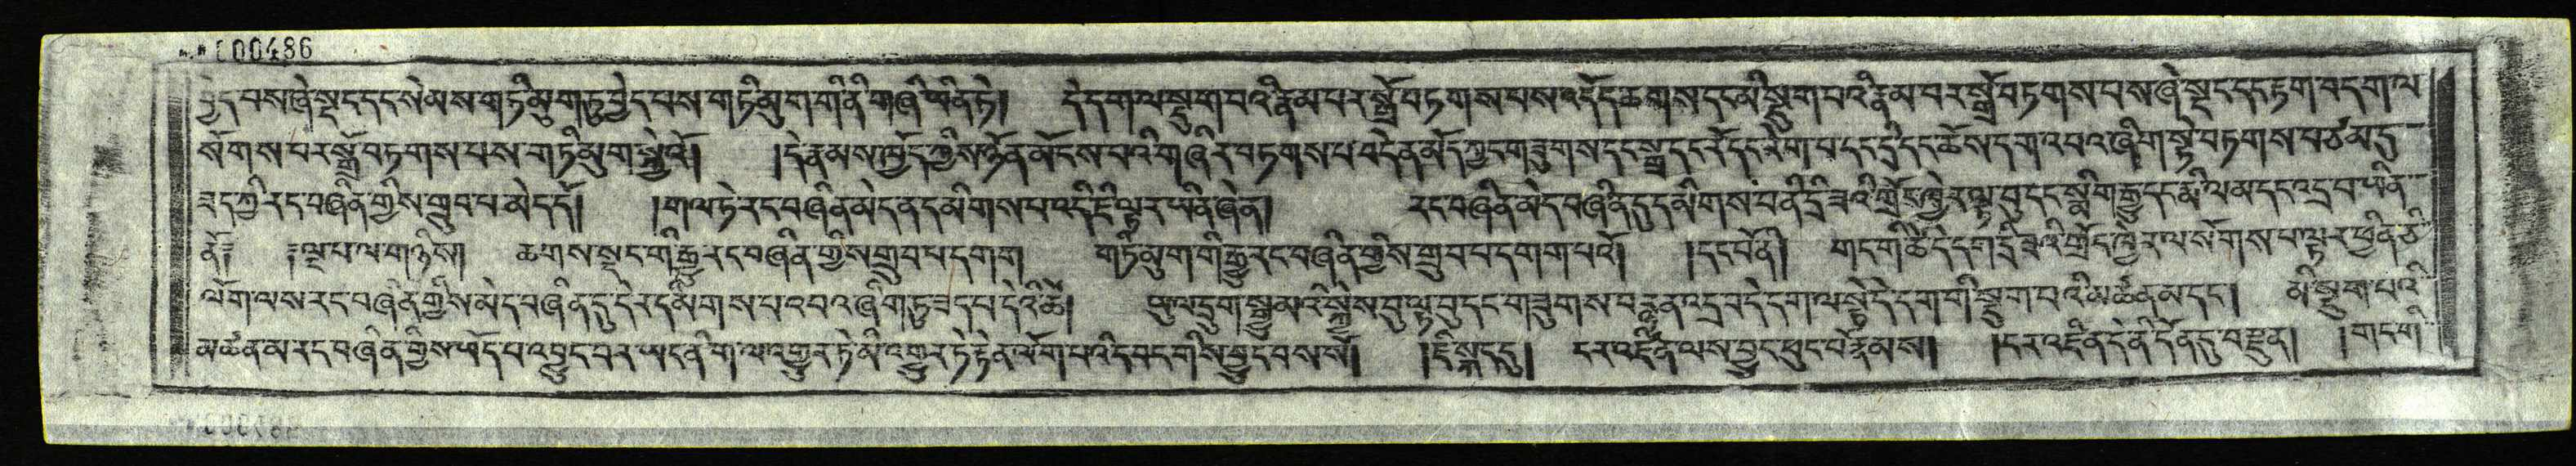བྱེད་བས་ཞེ་སྡང་དང་སེམས་གཏི་མུག་ཏུ་བྱེད་པས་གཏི་མུག་གི་ནི་གཞི་ཡིན་ཏེ། དེ་དག་ལ་སྡུག་བའི་རྣམ་པར་སྒྲོ་བཏགས་པས་འདོད་ཆགས་དང་མི་སྡུག་པའི་རྣམ་པར་སྒྲོ་བཏགས་པས་ཞེ་སྡང་དང་རྟག་བདག་ལ་
སོགས་པར་སྒྲོ་བཏགས་པས་གཏི་མུག་སྐྱེའོ། །དེ་རྣམས་ཁྱོད་ཀྱིས་ཉོན་མོངས་པའི་གཞིར་བཏགས་པ་བདེན་མོད་ཀྱང་གཟུགས་དང་སྒྲ་དང་རོ་དང་རེག་པ་དང་དྲི་དང་ཆོས་དག་འབའ་ཞིག་སྟེ་བཏགས་བ་ཙམ་དུ་
ཟད་ཀྱི་རང་བཞིན་གྱིས་གྲུབ་པ་མེད་དོ། །གལ་ཏེ་རང་བཞིན་མེད་ན་དམིགས་པ་འདི་ཇི་ལྟར་ཡིན་ཞེ་ན། རང་བཞིན་མེད་བཞིན་དུ་དམིགས་པ་ནི་དྲི་ཟའི་གྲོང་ཁྱེར་ལྟ་བུ་དང་སྨིག་རྒྱུ་དང་རྨི་ལམ་དང་འདྲ་བ་ཡིན་
ནོ༑ ༑ལྔ་པ་ལ་གཉིས། ཆགས་སྡང་གི་རྒྱུ་རང་བཞིན་གྱིས་གྲུབ་པ་དགག་གཏི་མུག་གི་རྒྱུ་རང་བཞིན་གྱིས་གྲུབ་པ་དགག་པའོ། །དང་པོ་ནི། གང་གི་ཚེ་དེ་དག་དྲི་ཟའི་གྲོང་ཁྱེར་ལ་སོགས་པ་ལྟར་ཕྱིན་ཅི་
ལོག་ལས་རང་བཞིན་གྱིས་མེད་བཞིན་དུ་དེར་དམིགས་པ་འབའ་ཞིག་ཏུ་ཟད་པ་དེའི་ཚེ། ཡུལ་དྲུག་སྒྱུ་མའི་སྐྱེས་བུ་ལྟ་བུ་དང་གཟུགས་བརྙན་འདྲ་བ་དེ་དག་ལ་སྟེ་དེ་དག་གི་སྡུག་པའི་མཚན་མ་དང་། མི་སྡུག་པའི་
མཚན་མ་རང་བཞིན་གྱིས་ཡོད་པ་འབྱུང་བར་ཡང་ནི་ག་ལ་འགྱུར་ཏེ་མི་འགྱུར་ཏེ་རྟེན་ལོག་པའི་དབང་གིས་བྱུང་བས་སོ། །ཇི་སྐད་དུ། ངར་འཛིན་ལས་བྱུང་ཕུང་པོ་རྣམས། །ངར་འཛིན་དེ་ནི་དོན་དུ་བརྫུན། །གང་གི་